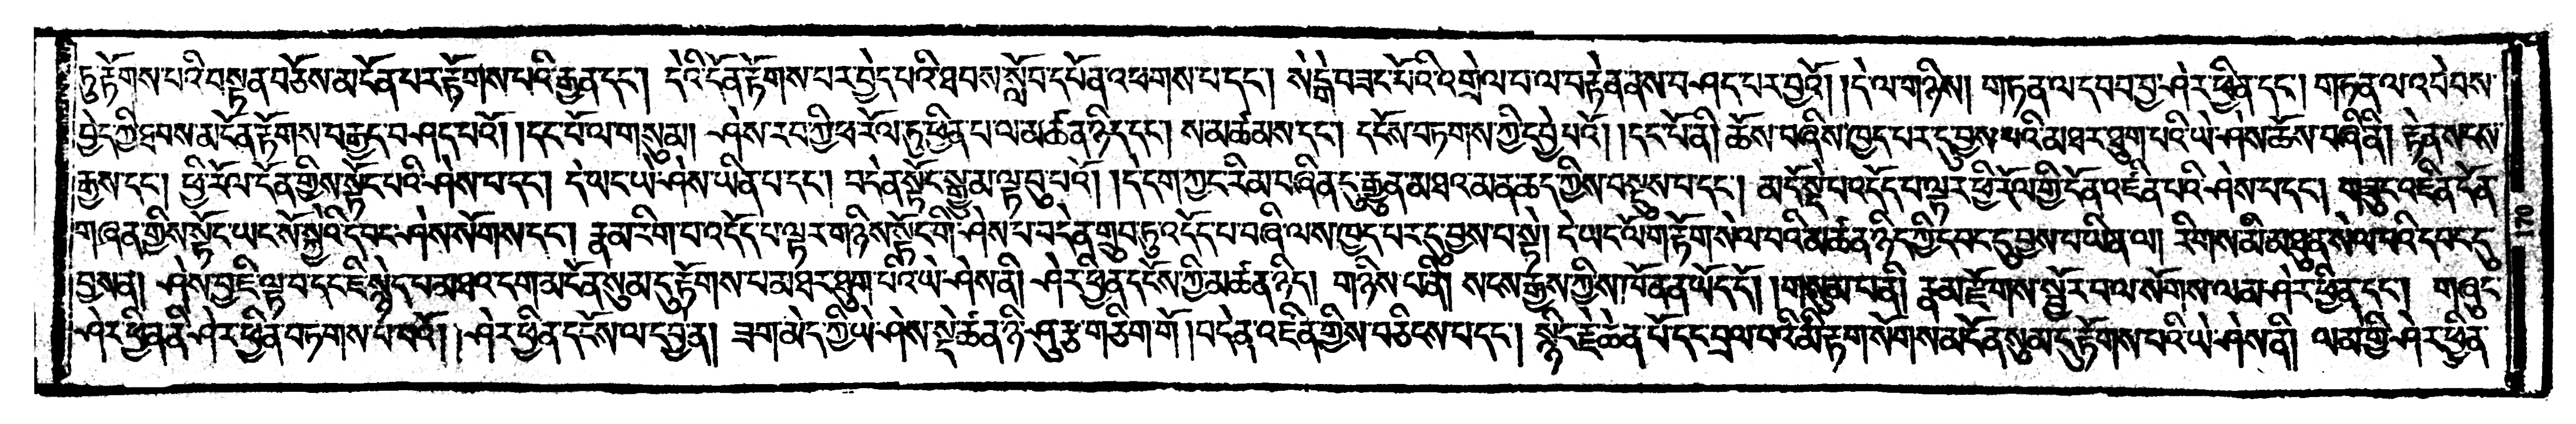ཏུ་རྟོགས་པའི་བསྟན་བཅོས་མངོན་པར་རྟོགས་པའི་རྒྱན་དང་། དེའི་དོན་རྟོགས་པར་བྱེད་པའི་ཐབས་སློབ་དཔོན་འཕགས་པ་དང་། སེངྒེ་བཟང་པོའི་འགྲེལ་པ་ལ་བརྟེན་ནས་བཤད་པར་བྱའོ། །དེ་ལ་གཉིས། གཏན་ལ་དབབ་བྱ་ཤེར་ཕྱིན་དང་། གཏན་ལ་འབེབས་
བྱེད་ཀྱི་ཐབས་མངོན་རྟོགས་བརྒྱད་བཤད་པའོ། །དང་པོ་ལ་གསུམ། ཤེས་རབ་ཀྱི་ཕ་རོལ་ཏུ་ཕྱིན་པ་ལ་མཚན་ཉིད་དང་། ས་མཚམས་དང་། དངོས་བཏགས་ཀྱི་དབྱེ་བའོ། །དང་པོ་ནི། ཆོས་བཞིས་ཁྱད་པར་དུ་བྱས་པའི་མཐར་ཐུག་པའི་ཡེ་ཤེས་ཆོས་བཞི་ནི། རྟེན་སངས་
རྒྱས་དང་། ཕྱི་རོལ་དོན་གྱིས་སྟོང་པའི་ཤེས་པ་དང་། དེ་ཡང་ཡེ་ཤེས་ཡིན་པ་དང་། བདེན་སྟོང་སྒྱུ་མ་ལྟ་བུ་པའོ། །དེ་དག་ཀྱང་རིམ་བཞིན་དུ་རྒྱུན་མཐའ་མན་ཆད་ཀྱིས་བསྡུས་པ་དང་། མདོ་སྡེ་པ་འདོད་པ་ལྟར་ཕྱི་རོལ་གྱི་དོན་འཛིན་པའི་ཤེས་པ་དང་། གཟུང་འཛིན་དོན་
གཞན་གྱིས་སྟོང་ཡང་སོ་སྐྱེའི་དབང་ཤེས་སོགས་དང་། རྣམ་རིག་པ་འདོད་པ་ལྟར་གཉིས་སྟོང་གི་ཤེས་པ་བདེན་གྲུབ་ཏུ་འདོད་པ་བཞི་ལས་ཁྱད་པར་དུ་བྱས་པ་སྟེ། དེ་ཡང་ལོག་རྟོག་སེལ་བའི་མཚན་ཉིད་ཀྱི་དབང་དུ་བྱས་པ་ཡིན་ལ། རིགས་མི་མཐུན་སེལ་བའི་དབང་དུ་
བྱས་ན། ཤེས་བྱ་ཇི་ལྟ་བ་དང་ཇི་སྙེད་པ་མཐའ་དག་མངོན་སུམ་དུ་རྟོགས་པ་མཐར་ཐུག་པའི་ཡེ་ཤེས་ནི། ཤེར་ཕྱིན་དངོས་ཀྱི་མཚན་ཉིད། གཉིས་པ་ནི། སངས་རྒྱས་ཀྱི་ས་ཁོན་ན་ཡོད་དོ། །གསུམ་པ་ནི། རྣམ་རྫོགས་སྦྱོར་བ་ལ་སོགས་ལམ་ཤེར་ཕྱིན་དང་། གཞུང་
ཤེར་ཕྱིན་ནི་ཤེར་ཕྱིན་བཏགས་པ་བའོ། །ཤེར་ཕྱིན་དངོས་ལ་དབྱེ་ན། ཟག་མེད་ཀྱི་ཡེ་ཤེས་སྡེ་ཚན་ཉི་ཤུ་རྩ་གཅིག་གོ །བདེན་འཛིན་གྱིས་བཅིངས་པ་དང་། སྙིང་རྗེ་ཆེན་པོ་དང་བྲལ་བའི་མི་རྟག་སོགས་མངོན་སུམ་དུ་རྟོགས་པའི་ཡེ་ཤེས་ནི། ལམ་གྱི་ཤེར་ཕྱིན་